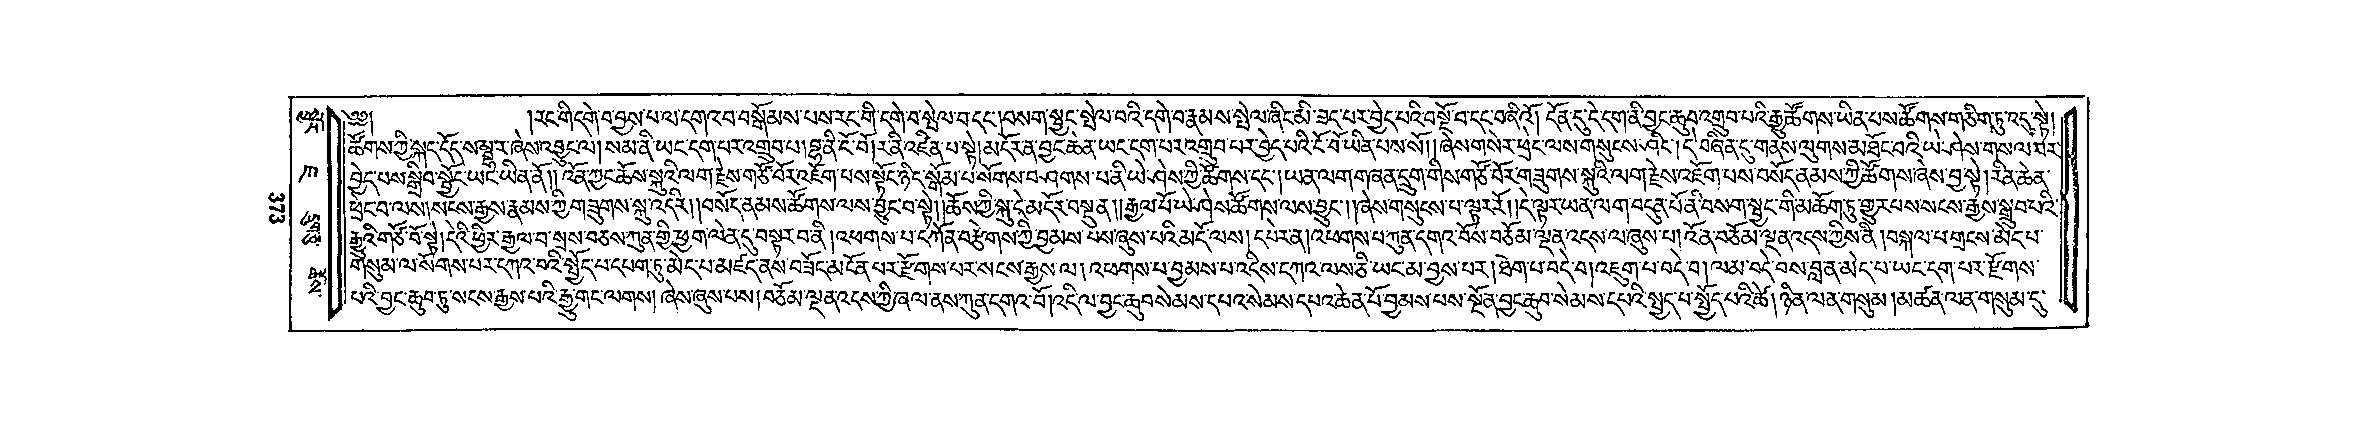༄༅། །རང་གི་དགེ་བ་བྱས་པ་ལ་དགའ་བ་བསྒོམས་པས་རང་གི་དགེ་བ་སྤེལ་བ་དང་། བསག་སྦྱང་སྤེལ་བའི་དགེ་བ་རྣམས་སྤེལ་ཞིང་མི་ཟད་པར་བྱེད་པའི་བསྔོ་བ་དང་བཞིའོ། དོན་དུ་དེ་དག་ནི་བྱང་ཆུབ་འགྲུབ་པའི་རྒྱུ་ཚོགས་ཡིན་པས་ཚོགས་གཅིག་ཏུ་འདུ་སྟེ།
ཚོགས་ཀྱི་སྐད་དོད་སམྦྷར་ཞེས་འབྱུང་ལ། སམ་ནི་ཡང་དག་པར་འགྲུབ་པ། བྷ་ནི་ངོ་བོ། ར་ནི་འཛིན་པ་སྟེ། མདོར་ན་བྱང་ཆེན་ཡང་དག་པར་འགྲུབ་པར་བྱེད་པའི་ངོ་བོ་ཡིན་པས་སོ། །ཞེས་གསེར་ཕྲེང་ལས་གསུངས་ཤིང་། དེ་བཞིན་དུ་གནས་ལུགས་མཐོང་བའི་ཡེ་ཤེས་གསལ་བར་
བྱེད་པས་སྒྲིབ་སྦྱོང་ཡང་ཡིན་ནོ། །འོན་ཀྱང་ཆོས་སྐུའི་ལག་རྗེས་གཙོ་བོར་འཇོག་པས་སྟོང་ཉིད་སྒོམ་པ་སོགས་བཤགས་པ་ནི་ཡེ་ཤེས་ཀྱི་ཚོགས་དང་། ཡན་ལག་གཞན་དྲུག་གིས་གཙོ་བོར་གཟུགས་སྐུའི་ལག་རྗེས་འཇོག་པས་བསོད་ནམས་ཀྱི་ཚོགས་ཞེས་བྱ་སྟེ། རིན་ཆེན་
ཕྲེང་བ་ལས། སངས་རྒྱས་རྣམས་ཀྱི་གཟུགས་སྐུ་འདིར། །བསོད་ནམས་ཚོགས་ལས་བྱུང་བ་སྟེ། །ཆོས་ཀྱི་སྐུ་དེ་མདོར་བསྡུ་ན། །རྒྱལ་པོ་ཡེ་ཤེས་ཚོགས་ལས་བྱུང་། །ཞེས་གསུངས་པ་ལྟར་རོ། །དེ་ལྟར་ཡན་ལག་བདུན་པོ་ནི་བསག་སྦྱང་གི་མཆོག་ཏུ་གྱུར་པས་སངས་རྒྱས་སྒྲུབ་པའི་
རྒྱུའི་གཙོ་བོ་སྟེ། དེའི་ཕྱིར་རྒྱལ་བ་སྲས་བཅས་ཀུན་གྱི་ཕྱག་ལེན་དུ་བསྟར་བ་ནི། འཕགས་པ་དཀོན་བརྩེགས་ཀྱི་བྱམས་པས་ཞུས་པའི་མདོ་ལས། དཔེར་ན། འཕགས་པ་ཀུན་དགའ་བོས་བཅོམ་ལྡན་འདས་ལ་ཞུས་པ། འོ་ན་བཅོམ་ལྡན་འདས་ཀྱིས་ནི། བསྐལ་པ་གྲངས་མེད་པ་
གསུམ་ལ་སོགས་པར་དཀའ་བའི་སྤྱོད་པ་དཔག་ཏུ་མེད་པ་མཛད་ནས་བཟོད་མངོན་པར་རྫོགས་པར་སངས་རྒྱས་ལ། འཕགས་པ་བྱམས་པ་འདིས་དཀའ་ལས་ཅི་ཡང་མ་བྱས་པར། ཐེག་པ་བདེ་བ། འཇུག་པ་བདེ་བ། ལམ་བདེ་བས་བླ་ན་མེད་པ་ཡང་དག་པར་རྫོགས་
པའི་བྱང་ཆུབ་ཏུ་སངས་རྒྱས་པའི་རྒྱུ་གང་ལགས། ཞེས་ཞུས་པས། བཅོམ་ལྡན་འདས་ཀྱི་ཞལ་ནས་ཀུན་དགའ་བོ། འདི་ལ་བྱང་ཆུབ་སེམས་དཔའ་སེམས་དཔའ་ཆེན་པོ་བྱམས་པས་སྔོན་བྱང་ཆུབ་སེམས་དཔའི་སྤྱད་པ་སྤྱོད་པའི་ཚེ། ཉིན་ལན་གསུམ། མཚན་ལན་གསུམ་དུ་